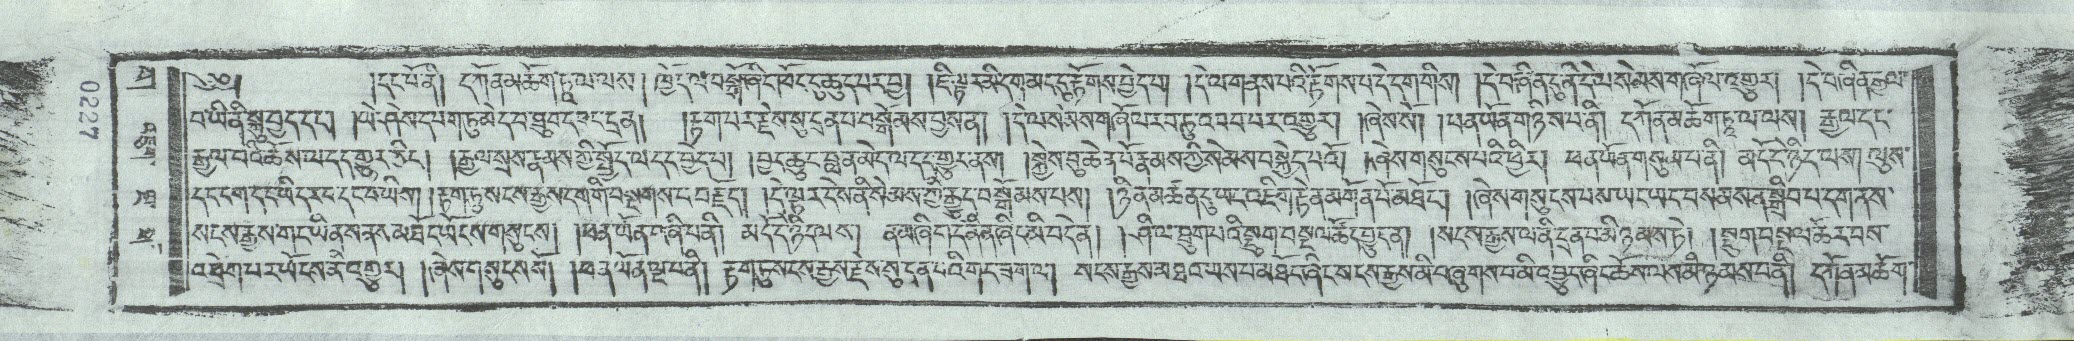༄༅། །དང་པོ་ནི། དཀོན་མཆོག་ཏཱ་ལ་ལས། ཁྱོད་ལ་བསྒོ་ཞིང་ཁོང་དུ་ཆུད་པར་བྱ། །ཇི་ལྟར་མི་དག་མང་དུ་རྟོགས་བྱེད་པ། །དེ་ལ་གནས་པའི་རྟོགས་པ་དེ་དག་གིས། །དེ་བཞིན་དུ་ནི་དེ་ལ་སེམས་གཞོལ་འགྱུར། །དེ་བཞིན་རྒྱལ་
བ་ཡི་ནི་སྐུ་བྱད་དང་། །ཡེ་ཤེས་དཔག་ཏུ་མེད་པ་ཐུབ་དབང་དྲན། །རྟག་པར་རྗེས་སུ་དྲན་པ་བསྒོམས་བྱས་ན། །དེ་ལ་སེམས་གཞོལ་རབ་ཏུ་འབབ་པར་འགྱུར། །ཞེས་སོ། །ཕན་ཡོན་གཉིས་པ་ནི། དཀོན་མཆོག་ཏཱ་ལ་ལས། རྒྱལ་དང་
རྒྱལ་བའི་ཆོས་ལ་དད་གྱུར་ཅིང་། །རྒྱལ་སྲས་རྣམས་ཀྱི་སྤྱོད་ལ་དད་བྱེད་པ། །བྱང་ཆུབ་བླ་ན་མེད་ལ་དང་གྱུར་ནས། །སྐྱེས་བུ་ཆེན་པོ་རྣམས་ཀྱི་སེམས་བསྐྱེད་པའོ། །ཞེས་གསུངས་པའི་ཕྱིར། ཕན་ཡོན་གསུམ་པ་ནི། མདོ་དེ་ཉིད་ལས། ལུས་
དང་ངག་དང་ཡིད་རབ་དང་བ་ཡིས། །རྟག་ཏུ་སངས་རྒྱས་དག་གི་བསྔགས་པ་བརྗོད། །དེ་ལྟར་དེས་ནི་སེམས་ཀྱི་རྒྱུད་བསྒོམས་པས། །ཉིན་མཚན་དུ་ཡང་འཇིག་རྟེན་མགོན་པོ་མཐོང་། །ཞེས་གསུངས་པས་ཡང་ཡང་བསམས་ན་སྒྲིབ་པ་དག་ནས་
སངས་རྒྱས་གང་ཡིན་ས་ནས་མཐོང་ཡོངས་གསུངས། །ཕན་ཡོན་བཞི་པ་ནི། མདོ་དེ་ཉིད་ལས། ནམ་ཞིག་དེ་ནི་ན་ཞིང་མི་བདེན། །ཤི་ལ་ཐུག་པའི་སྡུག་བསྔལ་ཚོད་བྱུང་ན། །སངས་རྒྱས་ལ་ནི་དྲན་པ་མི་ཉམས་ཏེ། །སྡུག་བསྔལ་ཚོར་བས་
འཕྲོག་པར་ཡོངས་ནི་འགྱུར། །ཞེས་གསུངས་སོ། །ཕན་ཡོན་ལྔ་པ་ནི། རྟག་ཏུ་སངས་རྒྱས་རྗེས་སུ་ངན་པའི་གང་ཟག་ལ། སངས་རྒྱས་མཐའ་ཡས་པ་མཐོང་ཞིང་སངས་རྒྱས་མི་བཞུགས་པ་མི་འབྱུང་ཞིང་ཆོས་ལས་མི་ཉམས་པ་ནི། དཀོན་མཆོག་